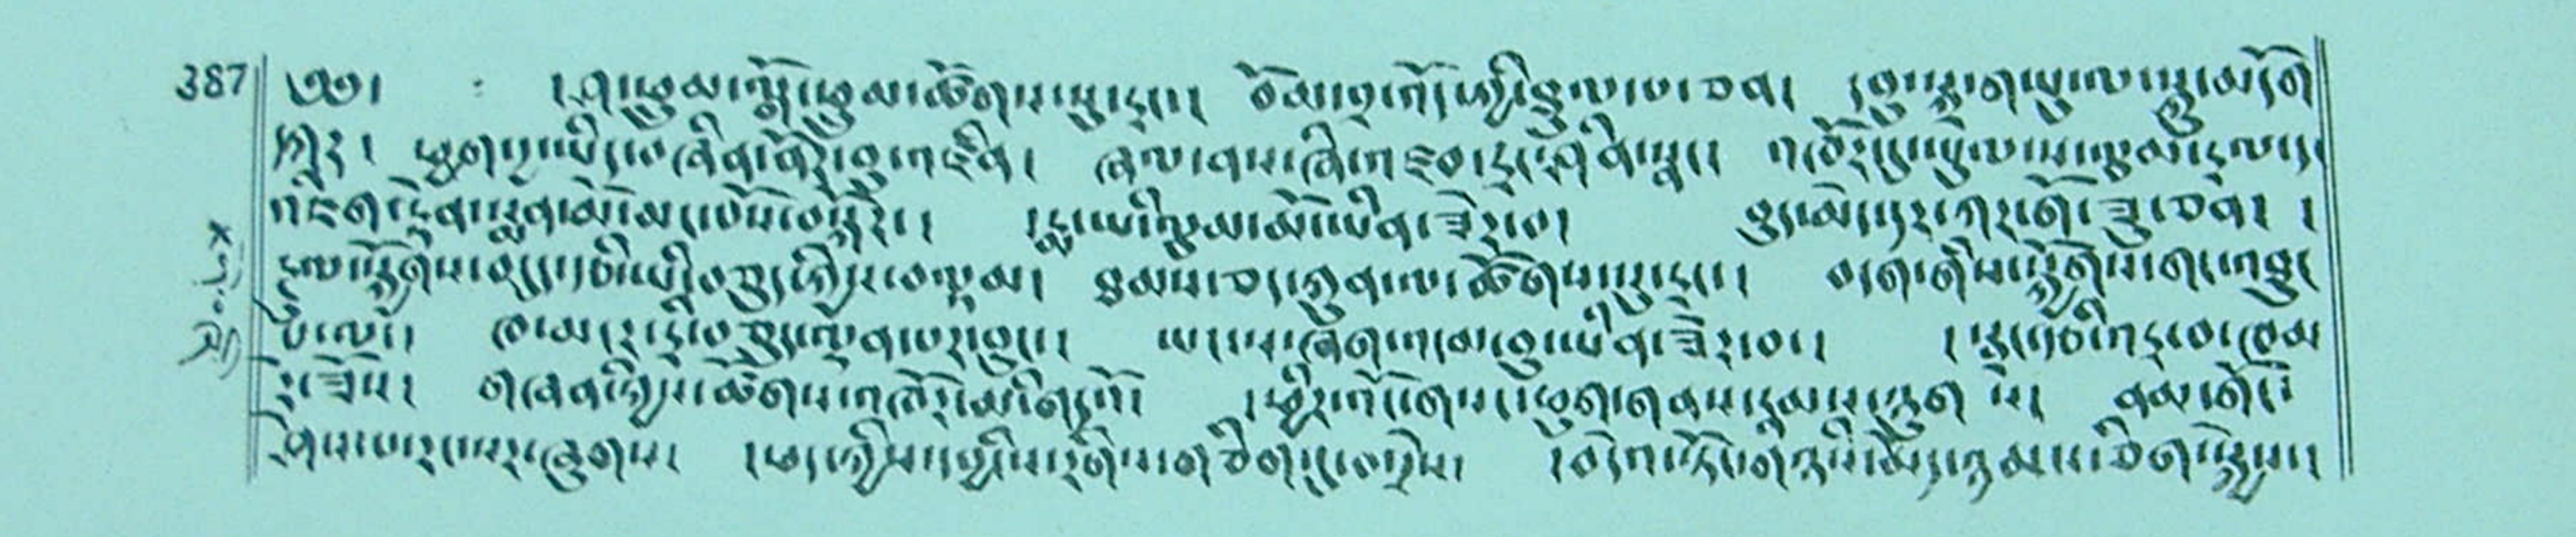༄༅། །ཤ་ཕྲུམ་ལྒོ་ཕྲུམ་ཚོགས་སུ་དྲངས། བོམ་བྲ་འོད་ཀྱི་ཐུལ་བ་ཅན། དབུ་སྐྲ་གཡུ་ལ་སྐུ་མདོག་
དཀར། ཕྱག་རྒྱ་ཡིད་བཞིན་ནོར་བུ་འཛིན། ཞལ་ནས་ཞི་འཛབ་དྲང་ཞིང་སྣང་། འཁོར་དུ་ཡུལ་ས་ལྕམ་དྲལ་དང་། 
འཇིག་རྟེན་སྨན་མོ་མང་པོས་བསྐོར། རྨ་ཡི་ལྕམ་མོ་ཡིན་ཟེར་བ། བུད་མེད་དར་དཀར་གོ་ཟུ་ཅན། 
རྔུལ་སྐྱོགས་བདུད་རྩི་ཡི་བཅུད་ཀྱིས་བལྟམས། ཐམས་ཅད་ཀུན་ལ་ཚོགས་སུ་དྲངས། བདག་གིས་སྐྱོགས་གང་འཐུང་
པ་ལ། ཁ་མངར་དྲི་བཅུད་ལྡན་པར་བྱུང་། ཡང་ས་ཞག་འདམ་བུ་ཡིན་ཟེར་བ། སྦྲང་རྩི་འདྲ་བ་ཁམ་
རེ་ཟོས། གཞན་གྱིས་ཚོགས་འཁོར་མི་གདའ་འོ། །ཕྱིར་འོང་གསང་ཕུག་གནས་རྣམས་ཉུགས། ནམ་གོང་
ཤེས་པ་རང་སར་དག ཕཊ་ཀྱིས་དབྱིངས་རིགས་གཅིག་ཏུ་བསྲེས། བདེའ་སྟོང་གཉིས་མེད་ཉམས་གཅིག་སྐྱེས།